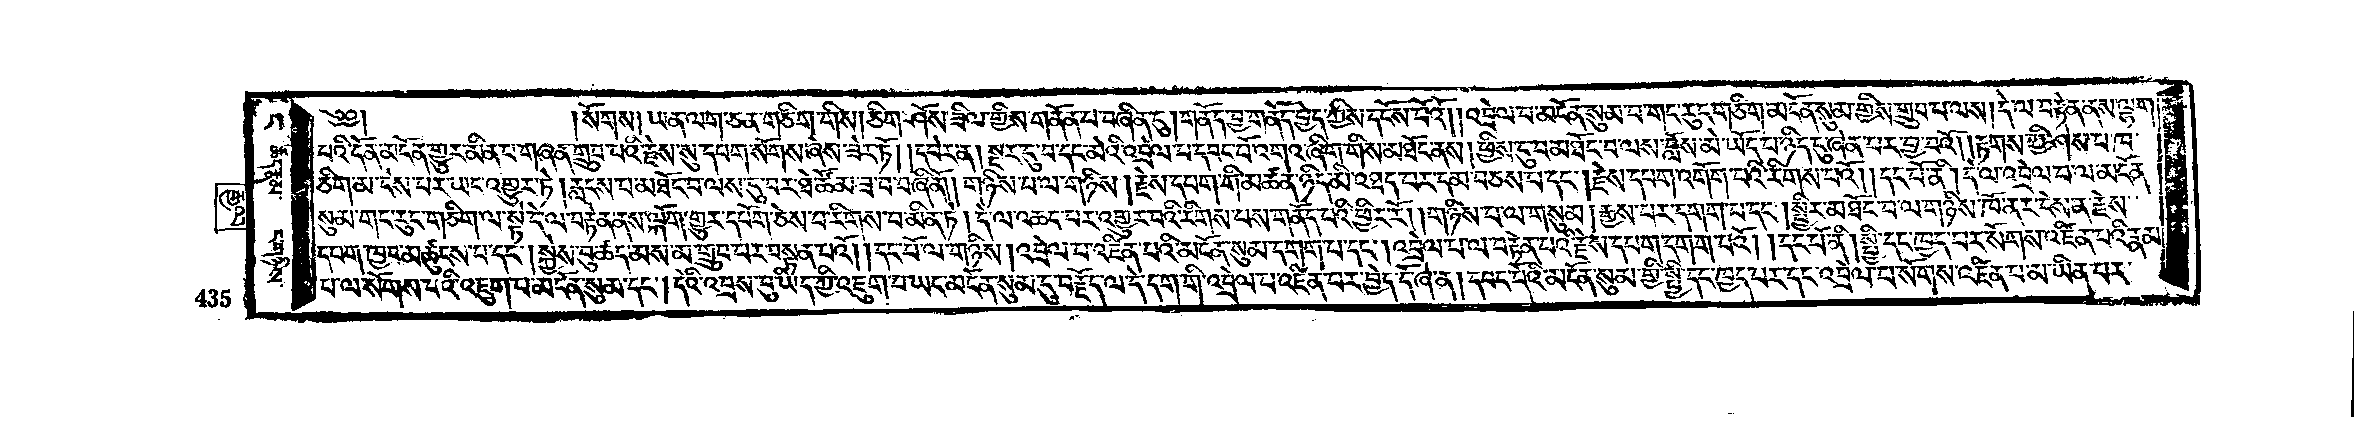༄༅། །སོགས། ཡན་ལག་ཅན་གཅིག་གིས། ཅིག་ཤོས་ཟིལ་གྱིས་གནོན་པ་བཞིན་དུ། གནོད་བྱ་གནོད་བྱེད་ཀྱིས་དངོས་པོའོ། །འབྲེལ་པ་མངོན་སུམ་པ་གང་རུང་གཅིག་མངོན་སུམ་གྱིས་གྲུབ་པ་ལས། དེ་ལ་བརྟེན་ནས་ལྷག་
པའི་དོན་མངོན་གྱུར་མིན་པ་གཞན་གྲུབ་པའི་རྗེས་སུ་དཔག་སོགས་ཞེས་ཟེར་ཏོ། །དཔེར་ན། སྔར་དུ་བ་དང་མེའི་འབྲེལ་བ་དང་པོ་འགའ་ཞིག་གིས་མཐོང་ནས། ཕྱིས་དུ་བ་མཐོང་བ་ལས་བློས་མེ་ཡོད་པ་ཉིད་དུ་ཞེན་པར་བྱའོ། །རྟགས་ཀྱི་ཤེས་པ་ཁ་
ཅིག་མ་ངེས་པར་ཡང་འགྱུར་ཏེ། རླངས་པ་མཐོང་བ་ལས་དུ་བར་ཐེ་ཚོམ་ཟ་བ་བཞིན་ནོ། །གཉིས་པ་ལ་གཉིས། རྗེས་དཔག་གི་མཚན་ཉིད་མི་འཐད་པར་དམ་བཅས་པ་དང་། རྗེས་དཔག་འགོག་པའི་རིགས་པའོ། །དང་པོ་ནི། དེ་ལ་འབྲེལ་བ་ལ་མངོན་
སུམ་གང་རུང་གཅིག་ལ་སྟེ་དེ་ལ་བརྟེན་ནས་ལྐོག་གྱུར་དཔོག་ཅེས་པ་རིགས་པ་མིན་ཏེ། དེ་ལ་འཆད་པར་འགྱུར་བའི་རིགས་པས་གནོད་པའི་ཕྱིར་རོ། །གཉིས་པ་ལ་གསུམ། རྒྱས་པར་དགག་པ་དང་། སྦྱིར་མཐོང་བ་ལ་གཉིས་ཁོ་ནར་དེས་ན་རྗེས་
དཔག་ཁྱབ་མཚུངས་པ་དང་། སྐྱེས་བུ་ཚད་མས་མ་གྲུབ་པར་བསྟན་པའོ། །དང་པོ་ལ་གཉིས། འབྲེལ་པ་འཛིན་པའི་མངོན་སུམ་དགག་པ་དང་། འབྲེལ་པ་ལ་བརྟེན་པའི་རྗེས་དཔག་དགག་པའོ། །དང་པོ་ནི། སྤྱི་དང་ཁྱད་པར་སོགས་འཛིན་པའི་རྣམ་
པ་ལ་སོགས་པའི་འཇུག་པ་མངོན་སུམ་དང་། དེའི་འབྲས་བུ་ཡིད་ཀྱི་འཇུག་པ་ཡང་མངོན་སུམ་དུ་བརྗོད་ལ་དེ་དག་གི་འབྲེལ་པ་འཛིན་པར་བྱེད་དོ་ཞེ་ན། དབང་པོའི་མངོན་སུམ་གྱི་སྤྱི་དང་ཁྱད་པར་དང་འབྲེལ་པ་སོགས་འཛིན་པ་མ་ཡིན་པར་